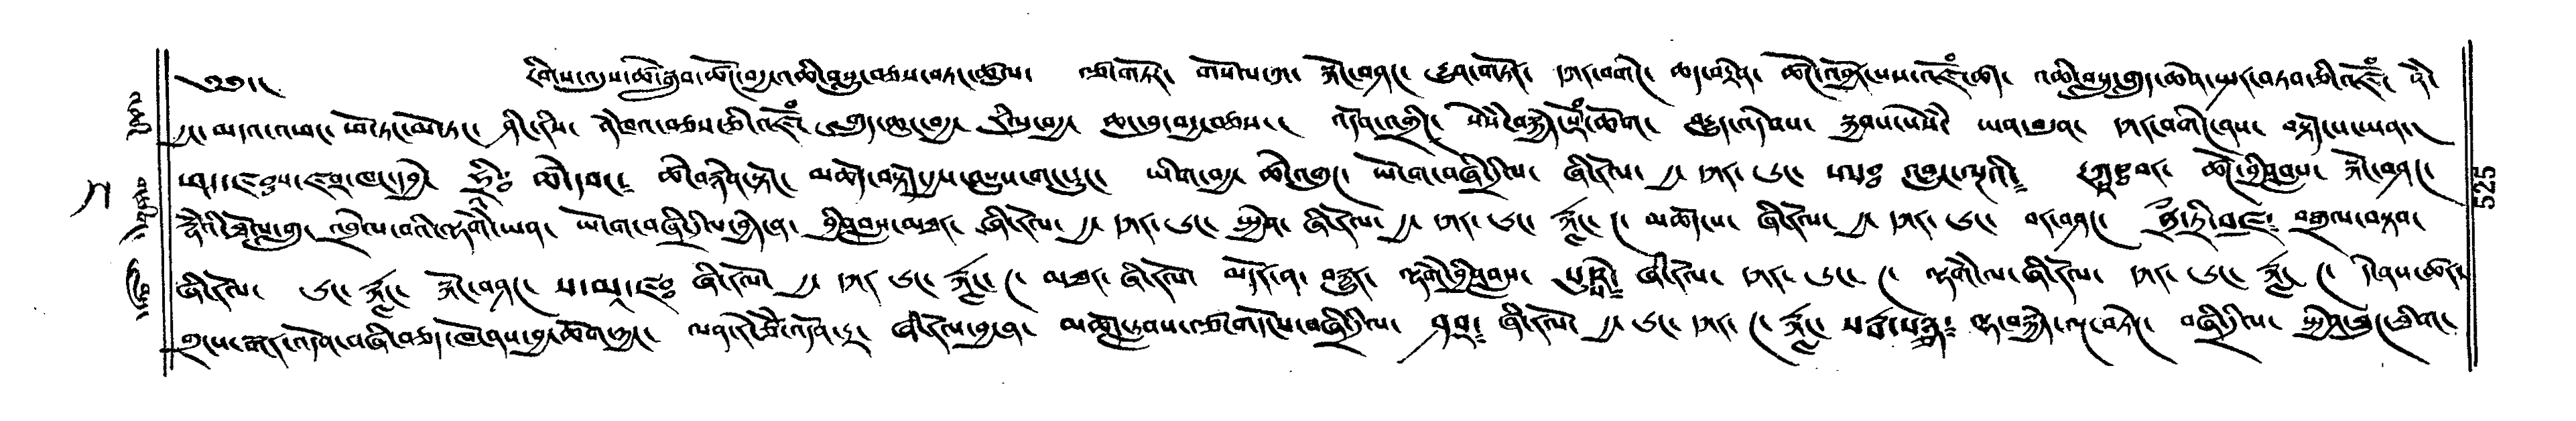༄༅། རིག་འདུས་ཚེ་སྒྲུབ་ཚོགས་བརྒྱ་འཆི་བསླུ་བཅས་གཏོང་ཚུལ། རྩ་གཏོར། གསོལ་ཀ སྐོང་བཤགས། རྒྱུན་གཏོར། དཀར་བགེགས། ཆད་བརྟན། ཚོགས་འབྱོར་པས་འཛོམས་ཚད། འཆི་བསླུ་གླུད་ཆེན་སྤར་བཏབ་ཅི་འཛོམས། ནམ་
རྒྱང་། མདའ་འཕང་། ཕོ་ཏང་མོ་ཏང་། ཤིང་རིས། ནམ་མཁའ་བཅས་ཅི་འཛོམས། གླུད་ཆུང་བརྒྱ། རིལ་བུ་བརྒྱ། ཆང་བུ་བརྒྱ་བཅས། འདོན་འགྲིགས། སེམས་བསྐྱེད་སྡོམ་ཆོག བརྒྱུད་འདེབས། སྐྱབས་སེམས། ཡན་བདུན། དཀར་བགེགས་ནས། བསྟོད་པ་ཡན། 
ཕཊ་ཛཿ ནས་ཛཔྲ་ཁང་དབྱེ། ཧྲཱིཿ ཚེ་དབང༴ ཚེ་བསྙེན་སྟོང་། མཆོད་བསྟོད་རྒྱས་བསྡུས་གང་རུང་། ཡིག་བརྒྱ། ཚེ་འགུགས། ཡོ་ག་བཞི་དྲིལ། ཞི་རོལ། རྒྱ། དཀར། དུང་། ཨཱཿ འབྱུང་ལྔའི༴ རཀྵ༔བར། ཚོགས་བྱིན་རླབས། སྐོང་བཤགས་
རྡོ་རྗེའི་ཐོལ་གླུ། འབྲེལ་བའི་ལྷག་མ་ཡན། ཡོ་ག་བཞི་དྲིལ་བྱེད་ན། བྱིན་བརླབས་མཐར། ཞི་རོལ། རྒྱ། དཀར། དུང་། སྤྱན་འདྲེན། ཞི་རོལ་རྒྱ། དཀར། དུང་། ཌཱ། མཆོད་པ། ཞི་རོལ། རྒྱ། དཀར། དུང་། བར་བཤགས། ནྲྀ་ཏྲི་བཛྲ༴ བསྒྲལ་བསྟབ། 
ཞི་རོལ། དུང་། རྐང་བཞི། སྐོང་བཤགས། ས་མཱ་ཛཿ ཞི་རོལ། རྒྱ། དཀར། དུང་། རྐང་བཞི། ཌཱ། མཐར་ཞི་རོལ། མདོར་ན་བསྐྱུར། ལྷག་མ་བྱིན་རླབས། པུཥྤེ༴ ཞི་རོལ། དཀར། དུང་། ཌཱ། ལྷག་མ་ལ་ཞི་རོལ། དཀར། དུང་། རྐང་བཞི། ཌཱ། དེ་ནས་ཚར་
གྲངས་ཇི་འདོན་བཞི་བཅད་ཁོ་ནས་བྱ་ཆོག་ཀྱང་། ལན་རེ་ཙམ་འདོན་རྟ། ཞི་རོལ་བྱ་ན། མཆོད་རླབས་རྩ་གདངས་བཞི་དྲིལ། ཤབྡ༴ ཞི་རོལ། རྒྱ། དུང་། དཀར། ཌཱ། རྐང་བཞི། སརྦ་པཉྩ༴ ལྷ་བསྐྱེད་ལྔ་བཏེགས་བཞི་དྲིལ། སྤྱན་འདྲེན་ཐུགས་ཐིག